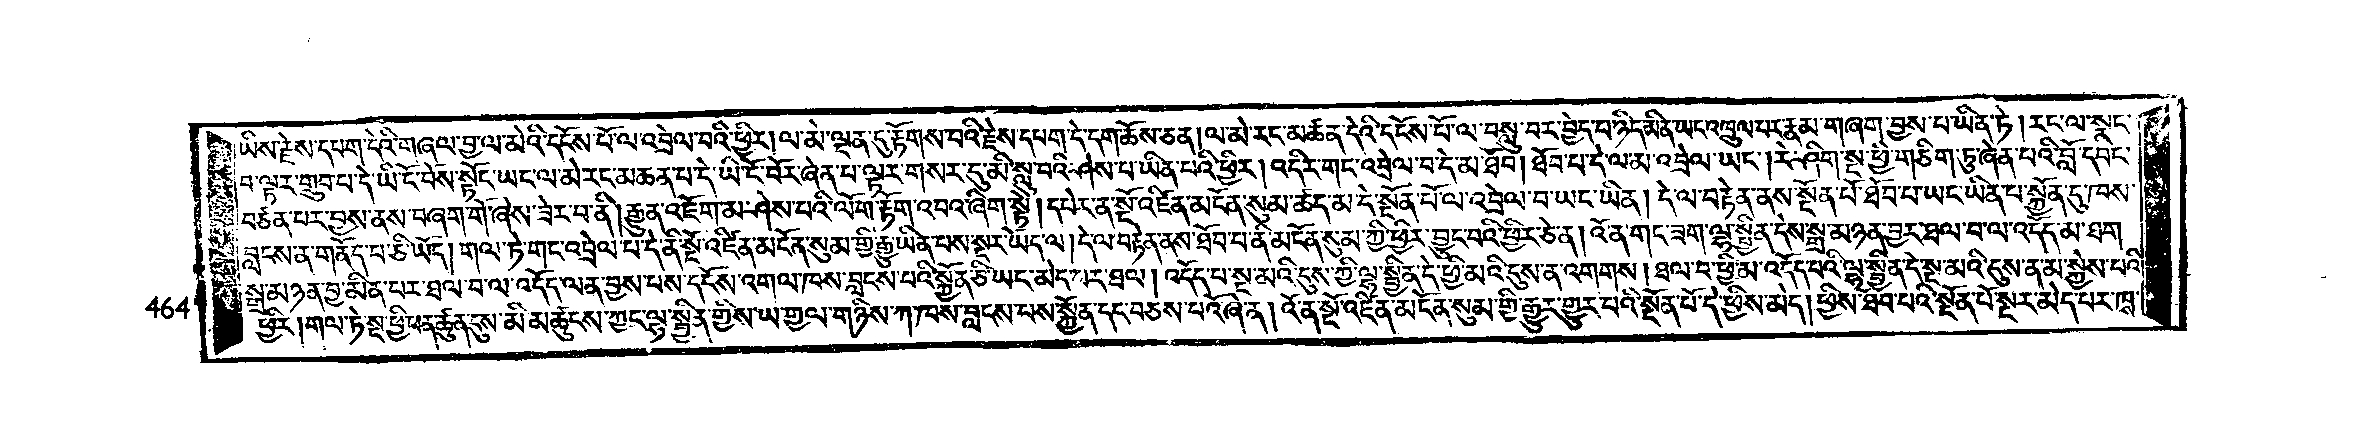ཡིས་རྗེས་དཔག་དེའི་གཞལ་བྱ་ལ་མེའི་དངོས་པོ་ལ་འབྲེལ་བའི་ཕྱིར། ལ་མེ་ལྡན་དུ་རྟོགས་པའི་རྗེས་དཔག་དེ་དག་ཆོས་ཅན། ལ་མེ་རང་མཚན་དེའི་དངོས་པོ་ལ་བསླུ་བར་བྱེད་པ་ཉིད་མིན་ཡང་འཁྲུལ་པར་རྣམ་གཞག་བྱས་པ་ཡིན་ཏེ། རང་ལ་སྣང་
བ་ལྟར་གྲུབ་པ་དེ་ཡི་ངོ་བོས་སྟོང་ཡང་ལ་མེ་རང་མཚན་པ་དེ་ཡི་ངོ་བོར་ཞེན་པ་ལྟར་གསར་དུ་མི་སླུ་བའི་ཤེས་པ་ཡིན་པའི་ཕྱིར། འདིར་གང་འབྲེལ་བ་དེ་མ་ཐོབ། ཐོབ་པ་དེ་ལ་མ་འབྲེལ་ཡང་། རེ་ཤིག་སྔ་ཕྱི་གཅིག་ཏུ་ཞེན་པའི་བློ་དབང་
བཙན་པར་བྱས་ནས་བཞག་གོ་ཞེས་ཟེར་བ་ནི། རྒྱུན་འཇོག་མ་ཤེས་པའི་ལོག་རྟོག་འབའ་ཞིག་སྟེ། དཔེར་ན་སྔོ་འཛིན་མངོན་སུམ་ཚད་མ་དེ་སྔོན་པོ་ལ་འབྲེལ་བ་ཡང་ཡིན། དེ་ལ་བརྟེན་ནས་སྔོན་པོ་ཐོབ་པ་ཡང་ཡིན་པ་སྐྱོན་དུ་ཁས་
བླངས་ན་གནོད་པ་ཅི་ཡོད། གལ་ཏེ་གང་འབྲེལ་པ་དེ་ནི་སྔོ་འཛིན་མངོན་སུམ་གྱི་རྒྱུ་ཡིན་པས་སྔར་ཡོད་ལ། དེ་ལ་བརྟེན་ནས་ཐོབ་པ་ནི་མངོན་སུམ་ཀྱི་ཕྱིར་བྱུང་བའི་ཕྱིར་ཅེ་ན། འོ་ན་གང་ཟག་ལྷ་སྤྱིན་དེས་སྒྲ་མཉན་བྱར་ཐལ་བ་ལ་འདོད་མ་ཐག་
སྒྲ་མཉན་བྱ་མིན་པར་ཐལ་བ་ལ་འདོད་ལན་བྱས་པས་དངོས་འགལ་ཁས་བླངས་པའི་སྐྱོན་ཅི་ཡང་མེད་པར་ཐལ། འདོད་པ་སྔ་མའི་དུས་ཀྱི་ལྷ་སྦྱིན་དེ་ཕྱི་མའི་དུས་ན་འགགས། ཐལ་བ་ཕྱི་མ་འདོད་པའི་ལྷ་སྦྱིན་དེ་སྔ་མའི་དུས་ན་མ་སྐྱེས་པའི་
ཕྱིར་།གལ་ཏེ་སྔ་ཕྱི་ཕན་ཚུན་དུས་མི་མཚུངས་ཀྱང་ལྷ་སྦྱིན་གྱིས་ཡ་གྱལ་གཉིས་ཀ་ཁས་བླངས་པས་སྐྱོན་དང་བཅས་པའོ་ཞེ་ན། འོ་ན་སྔོ་འཛིན་མངོན་སུམ་གྱི་རྒྱུར་གྱུར་པའི་སྔོན་པོ་དེ་ཕྱིས་མེད། ཕྱིས་ཐོབ་པའི་སྔོན་པོ་སྔར་མེད་པར་ཁས་